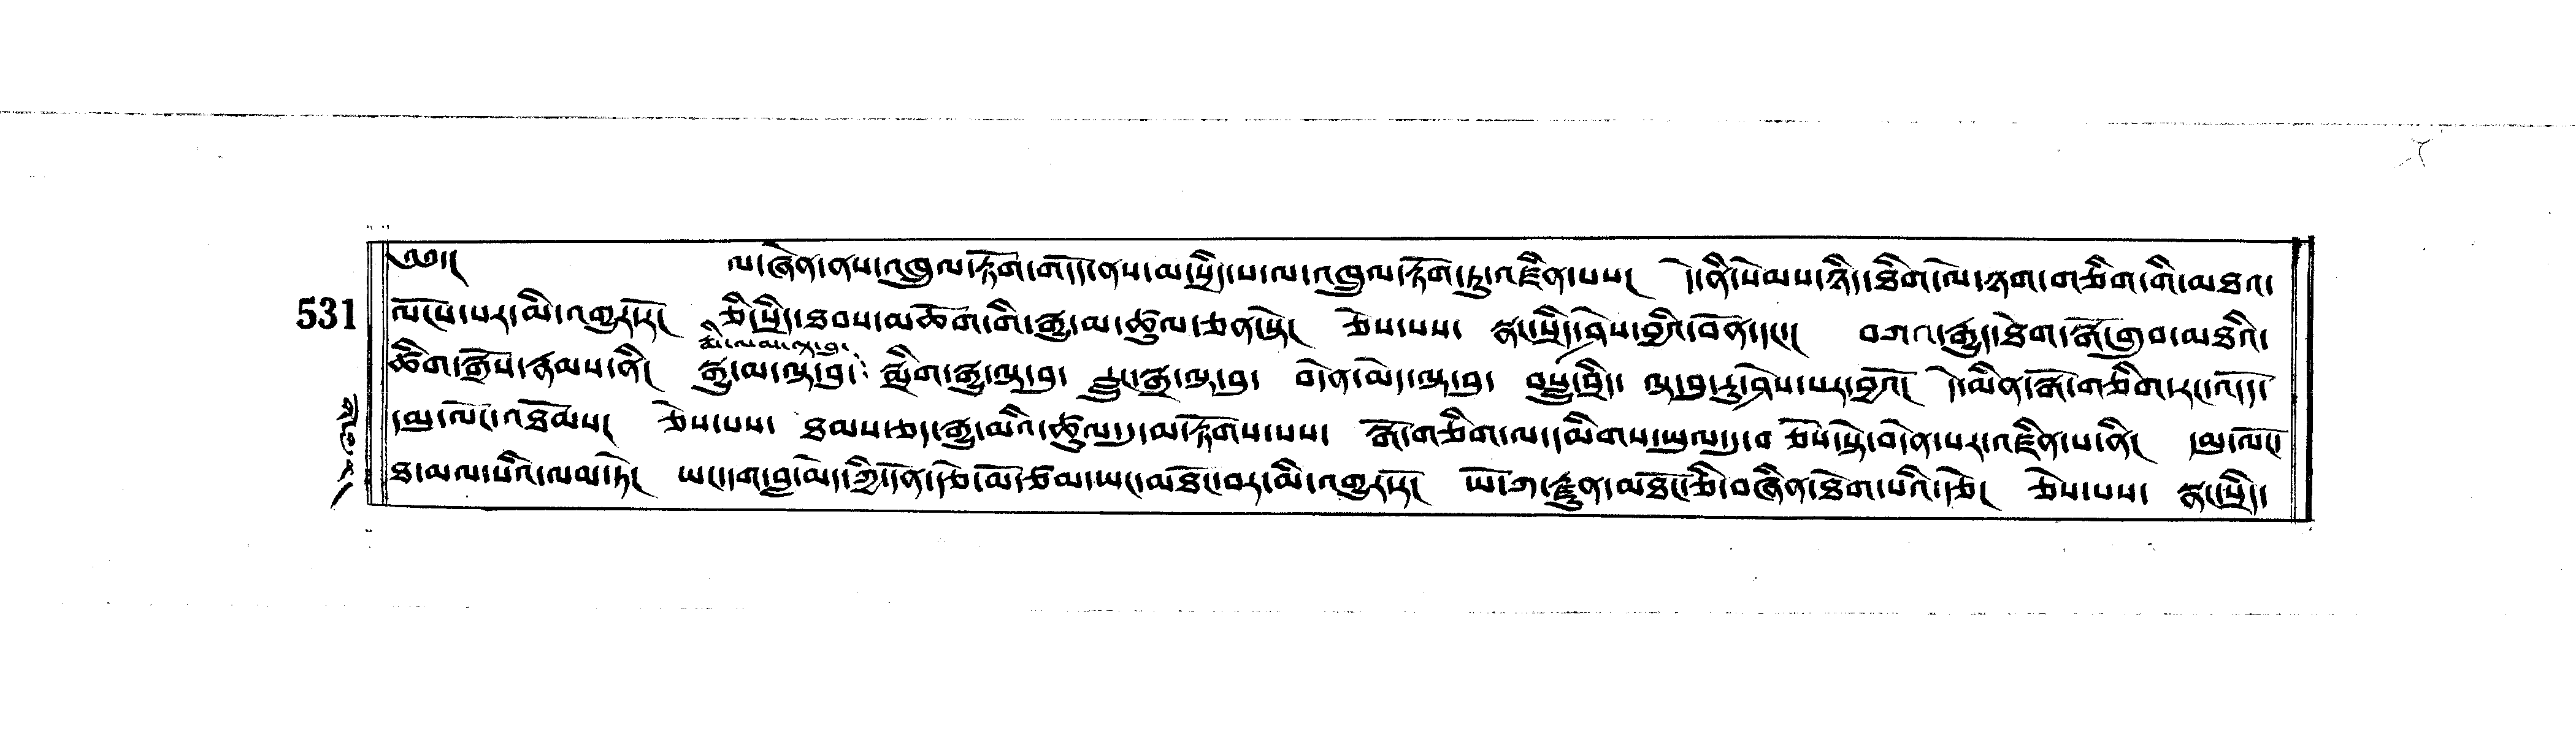ལ་ཞེན་ནས་འཁྲུལ་རྟོག་གདོད་ནས་མ་སྲིད་པ་ལ་འཁྲུལ་རྟོག་ཏུ་འཛིན་པས། དེ་ནི་སེམས་ཉིད་ཐིག་ལེ་ཉག་ཅིག་གི་མཐའ་
ལོངས་པར་མི་འགྱུར་རོ། ཅི་སྲིད་ཐབས་མཆོག་གི་སྒྱུ་མ་ཚུལ་ཅན་ཏེ། ཅེས་པས། སྣང་སྲིད་ཤེས་བྱའི་བོན་དང་། བཀའ་བརྒྱུད་ཐེག་སྒོ་གྲུབ་མཐའི་
ཚིག་སྒྲོས་རྣམས་ནི། སྒྱུ་མ་ལྟ་བུ། རྨི་ལམ་ལྟ་བུ། སྨྲིག་སྒྱུ་ལྟ་བུ། རླུང་སྒྲ་ལྟ་བུ། བདེན་མེད་ལྟ་བུ། བསླུ་བྲིད་ལྟ་བུ་རུ་ཤེས་པར་བྱའོ། དེ་མིན་སྒོ་གཅིག་རང་འདོད་
དམུ་ལོང་འཐོམས། ཅེས་པས། ཐམས་ཅད་སྒྱུ་མའི་ཚུལ་དུ་མ་རྟོགས་པས། སྒོ་གཅིག་ལ་དམིགས་ཡུལ་དུ་བཅོས་ཏེ་བདེན་པར་འཛིན་པ་ནི། དམུ་ལོང་
ཐ་མལ་པའི་ལམ་སྟེ། ཡང་དག་བླ་མེད་ཀྱི་དོན་རྩེ་མོ་ཙམ་ཡང་མཐོང་བར་མི་འགྱུར་རོ། ཡོ་ཀ་རྫུན་མཐོང་ཅི་ཞིག་ཐེག་པའི་རྩེ། ཅེས་པས། སྣང་སྲིད་